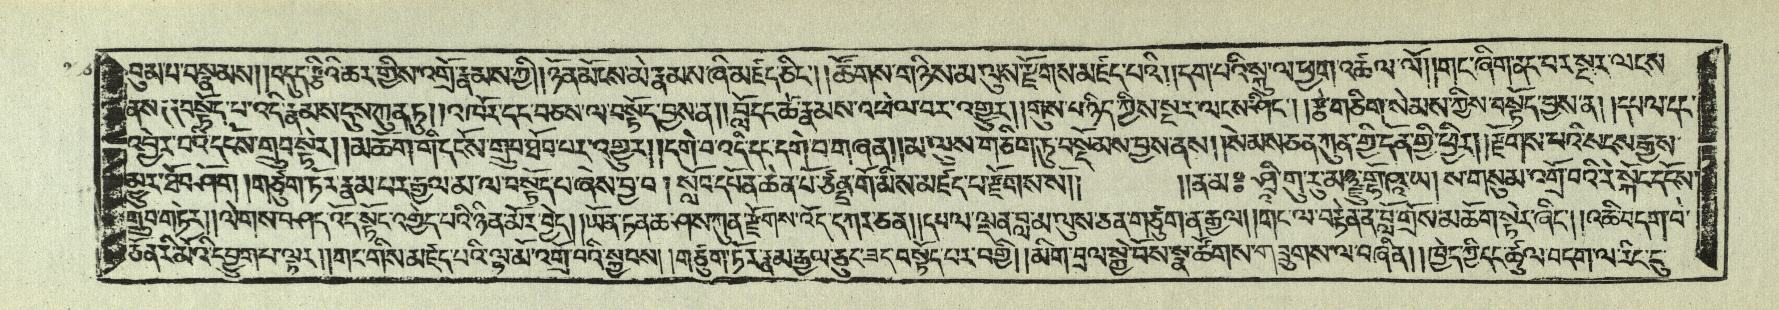བུམ་པ་བསྣམས། །བདུད་རྩིའི་ཆར་གྱིས་འགྲོ་རྣམས་ཀྱི། །ཉོན་མོངས་མེ་རྣམས་ཞི་མཛད་ཅིང་། །ཚོགས་གཉིས་མ་ལུས་རྫོགས་མཛད་པའི། །དག་པའི་སྐུ་ལ་ཕྱག་འཚལ་ལོ། །གང་ཞིག་ནང་བར་སྔར་ལངས་
ནས༑ ༑བསྟོད་པ་འདི་རྣམས་དུས་ཀུན་ཏུ། །འཁོར་དང་བཅས་ལ་བསྟོད་བྱས་ན། །བློ་དང་ཚེ་རྣམས་འཕེལ་བར་འགྱུར། །གུས་པ་ཉིད་ཀྱིས་སྔར་ལངས་ཤིང་། །རྩེ་གཅིག་སེམས་ཀྱིས་བསྟོད་བྱས་ན། །དཔལ་དང་
འབྱེར་བའི་དངོས་གྲུབ་སྟེར། །མཆོག་གི་དངོས་གྲུབ་ཐོབ་པར་འགྱུར། །དགེ་བ་འདི་དང་དགེ་བ་གཞན། །མ་ལུས་གཅིག་ཏུ་བསྡོམས་བྱས་ནས། །སེམས་ཅན་ཀུན་གྱི་དོན་གྱི་ཕྱིར། །རྫོགས་པའི་སངས་རྒྱས་
མྱུར་ཐོབ་ཤོག །གཙུག་ཏོར་རྣམ་པར་རྒྱལ་མ་ལ་བསྟོད་པ་ཞེས་བྱ་བ་།སློབ་དཔོན་ཆེན་པོ་ཙནྡྲ་གོ་མིས་མཛད་པ་རྫོགས་སོ།། །།ན་མཿ ཤྲཱི་གུ་རུ་མཉྫུ་གྷོ་ཥཱ་ཡ། ས་གསུམ་འགྲོ་བའི་རེ་སྐོང་དངོས་
གྲུབ་གཏེར། །ལེགས་བཤད་འོད་སྟོང་འགྱེད་པའི་ཉིན་མོར་བྱེད། །ཡོན་ཏན་ཆ་ཤས་ཀུན་རྫོགས་འོད་དཀར་ཅན། །དཔལ་ལྡན་བླ་མ་ལུས་ཅན་གཙུག་ན་རྒྱལ། །གང་ལ་བརྟེན་ན་བློ་གྲོས་མཆོག་སྟེར་ཞིང་། །འཆི་བདག་བེ་
ཅོན་རི་མོའི་དབྱུག་པ་ལྟར། །གང་གིས་མཛད་པའི་ལྟ་མོ་འགྲོ་བའི་སྐྱབས། །གཙུག་ཏོར་རྣམ་རྒྱལ་ཅུང་ཟད་བསྟོད་པར་བགྱི། །མིག་བྲལ་སྐྱེ་བོས་སྣ་ཚོགས་གཟུགས་ལ་བཞིན། །ཁྱེད་ཀྱི་དང་ཚུལ་བདག་ལ་རིང་དུ་